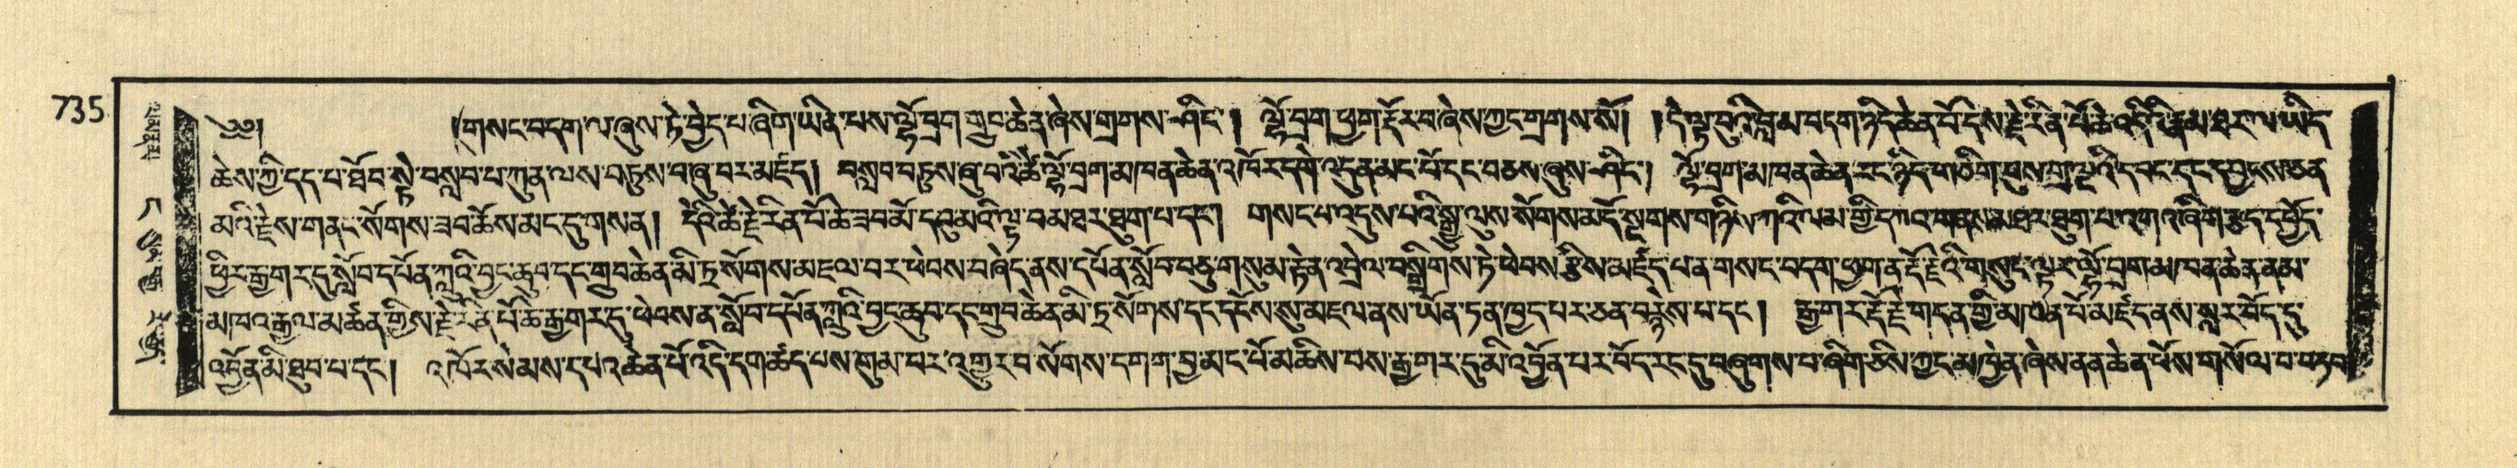༄༅། །གསང་བདག་ལ་ཞུས་ཏེ་བྱེད་པ་ཞིག་ཡིན་པས་ལྷོ་བྲག་གྲུབ་ཆེན་ཞེས་གྲགས་ཤིང་། ལྷོ་བྲག་ཕྱག་རྡོར་བ་ཞེས་ཀྱང་གྲགས་སོ། །དེ་ལྟ་བུའི་བླ་མ་བདག་ཉིད་ཆེན་པོ་དེས་རྗེ་རིན་པོ་ཆེ་འདིའི་རྣམ་ཐར་ལ་ཡིད་
ཆེས་ཀྱི་དད་པ་ཐོབ་སྟེ་བསླབ་པ་ཀུན་ལས་བཏུས་བཞུ་བར་མཛད། བསླབ་བཏུས་ཞུ་བའི་ཚེ་ལྷོ་བྲག་མཁན་ཆེན་འཁོར་དགེ་འདུན་མང་པོ་དང་བཅས་ཞུས་ཤིང་། ལྷོ་བྲག་མཁན་ཆེན་རང་ཉིད་གཅིག་བུས་གྲ་ལྔའི་དབང་དང་དབྱངས་ཅན་
མའི་རྗེས་གནང་སོགས་ཟབ་ཆོས་མང་དུ་གསན། དེའི་ཚེ་རྗེ་རིན་པོ་ཆེ་ཟབ་མོ་དབུ་མའི་ལྟ་བ་མཐར་ཐུག་པ་དང་། གསང་པ་འདུས་པའི་སྒྱུ་ལུས་སོགས་མདོ་སྔགས་གཉིས་ཀའི་ལམ་གྱི་དཀའ་གནས་མཐར་ཐུག་པ་འགའ་ཞིག་རྩད་དཔྱོད་
ཕྱིར་རྒྱ་གར་དུ་སློབ་དཔོན་ཀླུའི་བྱང་ཆུབ་དང་གྲུབ་ཆེན་མི་ཏྲ་སོགས་མཇལ་བར་ཕེབས་བཞེད་ནས་དཔོན་སློབ་བཅུ་གསུམ་རྟེན་འབྲེལ་བསྒྲིགས་ཏེ་ཕེབས་རྩིས་མཛད་པ་ན་གསང་བདག་ཕྱག་ན་རྡོ་རྗེའི་གསུང་ལྟར་ལྷོ་བྲག་མཁན་ཆེན་ནམ་
མཁའ་རྒྱལ་མཚན་གྱིས་རྗེ་རིན་པོ་ཆེ་རྒྱ་གར་དུ་ཕེབས་ན་སློབ་དཔོན་ཀླུའི་བྱང་ཆུབ་དང་གྲུབ་ཆེན་མི་ཏྲ་སོགས་དང་དངོས་སུ་མཇལ་ནས་ཡོན་ཏན་ཁྱད་པར་ཅན་བརྙེས་པ་དང་། རྒྱ་གར་རྡོ་རྗེ་གདན་གྱི་མཁན་པོ་མཛད་ནས་སླར་བོད་དུ་
འབྱོན་མི་ཐུབ་པ་དང་། འཁོར་སེམས་དཔའ་ཆེན་པོ་འདི་དག་ཚད་པས་གུམ་པར་འགྱུར་བ་སོགས་དགག་བྱ་མང་པོ་མཆིས་བས་རྒྱ་གར་དུ་མི་འབྱོན་པར་བོད་རང་དུ་བཞུགས་པ་ཞིག་ཅིས་ཀྱང་མཁྱེན་ཞེས་ནན་ཆེན་པོས་གསོལ་བ་བཏབ་